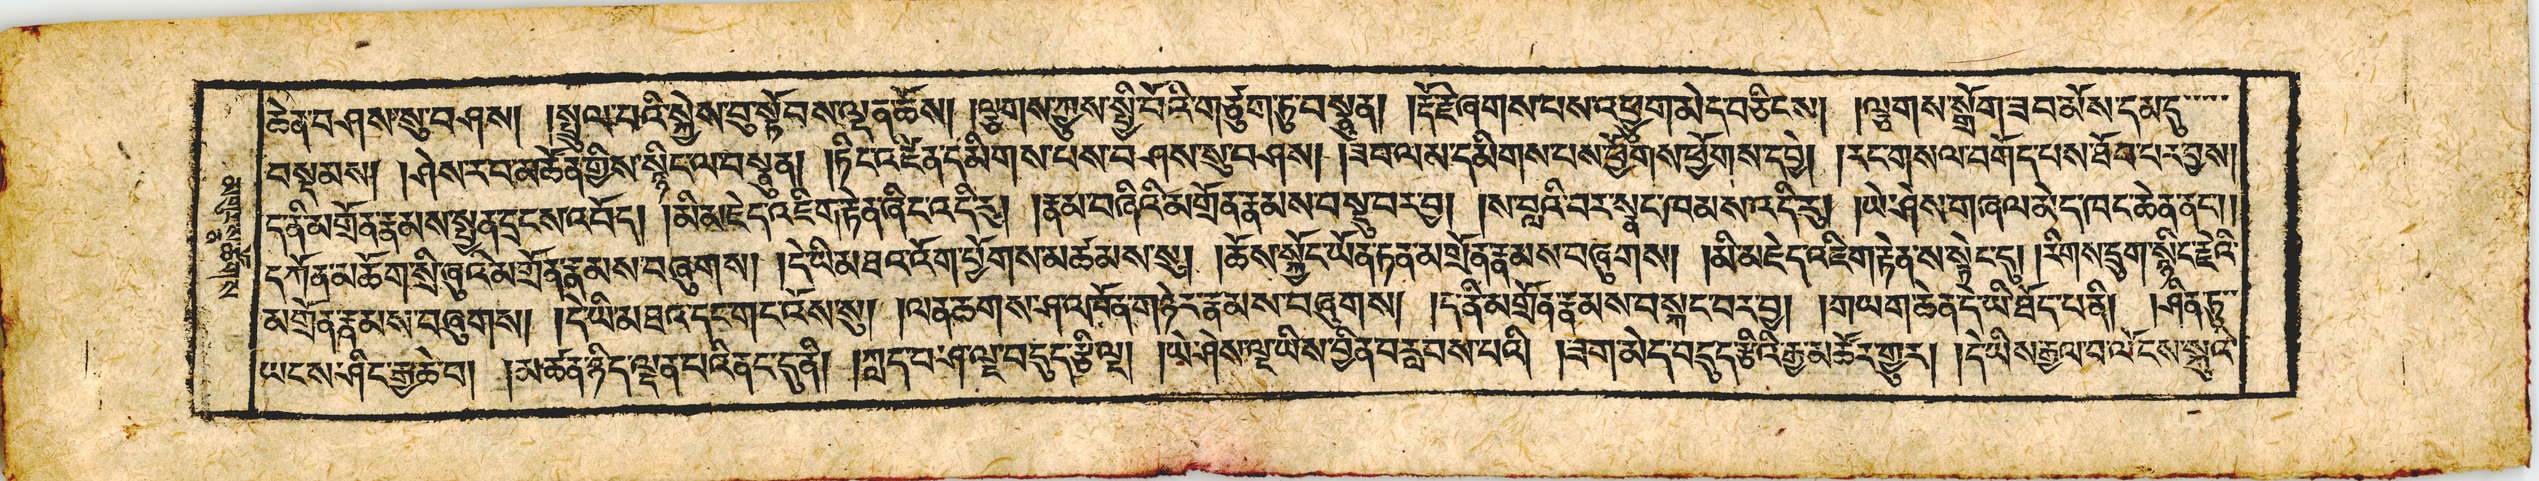ཆེན་བཤས་སུ་བཤས། །སྤྲུལ་པའི་སྐྱེས་བུ་སྟོབས་ལྡན་ཚོས། །ལྕགས་ཀྱུས་སྤྱི་བོའི་གཙུག་ཏུ་བསྙུན། །རྡོ་རྗེ་ཞགས་པས་འཕྱུགས་མེད་བཅིངས། །ལྕགས་སྒྲོག་ཟབ་མོས་དམ་དུ་
བསྡམས། །ཤེས་རབ་མཚོན་གྱིས་སྙིང་ལ་བསྣུན། །ཏིང་འཛིན་དམིགས་པས་བཤས་སུ་བཤས། །ཟབ་ལམ་དམིགས་པས་ཕྱོགས་ཕྱོགས་དབྱེ། །རང་གསལ་བགོད་པས་ཐོབ་པར་བྱས། །
ད་ནི་མགྲོན་རྣམས་སྤྱན་དྲངས་འབོད། །མི་མཇེད་འཇིག་རྟེན་ཞིང་འདི་རུ། །རྣམ་བཞིའི་མགྲོན་རྣམས་བསྡུ་བར་བྱ། །ས་བླའི་བར་སྣང་ཁམས་འདི་རུ། །ཡེ་ཤེས་གཞལ་མེད་ཁང་ཆེན་ནང་། །
དཀོན་མཆོག་སྲི་ཞུའི་མགྲོན་རྣམས་བཞུགས། །དེ་ཡི་མཐའ་འོག་ཕྱོགས་མཚམས་སུ། །ཆོས་སྐྱོང་ཡོན་ཏན་མགྲོན་རྣམས་བཞུགས། །མི་མཇེད་འཇིག་རྟེན་ས་སྟེང་དུ། །རིགས་དྲུག་སྙིང་རྗེའི་
མགྲོན་རྣམས་བཞུགས། །དེ་ཡི་མཐའ་དང་གང་འོས་སུ། །ལན་ཆགས་ཤ་འཁོན་གཉེར་རྣམས་བཞུགས། །ད་ནི་མགྲོན་རྣམས་བསྐང་བར་བྱ། །གཡག་ཆེན་དེ་ཡི་ཐོད་པ་ནི། །ཤིན་ཏུ་
ཡངས་ཤིང་རྒྱ་ཆེ་བ། །མཚན་ཉིད་ལྡན་པའི་ནང་དུ་ནི། །ཀླད་པ་ཤ་ལྔ་བདུད་རྩི་ལྔ། །ཡེ་ཤེས་ལྔ་ཡིས་བྱིན་བརླབས་པའི །ཟག་མེད་བདུད་རྩིའི་རྒྱ་མཚོར་གྱུར། །དེ་ཡིས་རྒྱལ་བ་ལོངས་སྐུ་